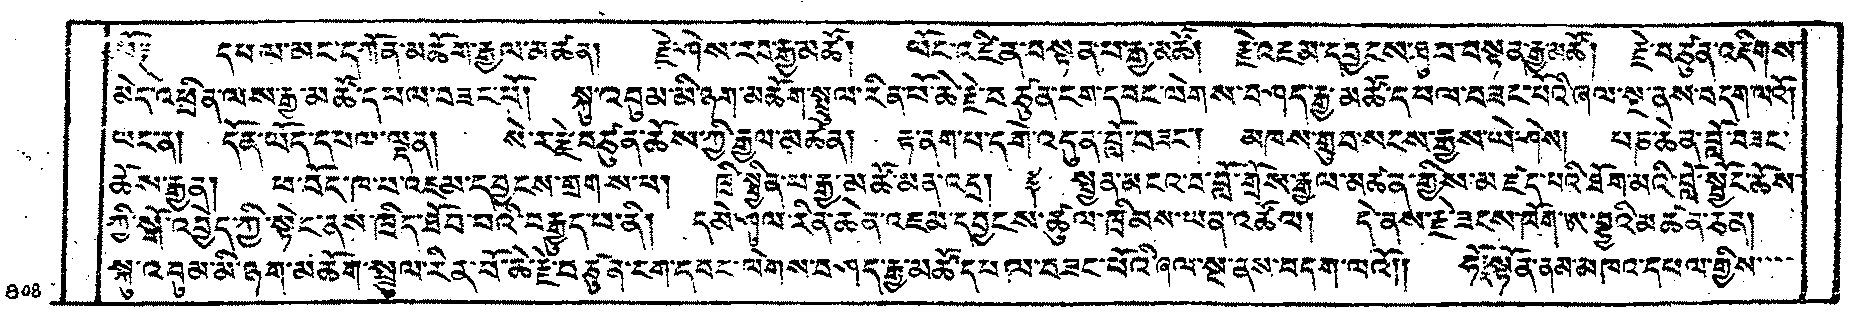པོ༑ དཔལ་མང་དཀོན་མཆོག་རྒྱལ་མཚན། རྗེ་ཤེས་རབ་རྒྱ་མཚོ། ཡོང་འཛིན་བསྟན་པ་རྒྱ་མཚོ། རྗེ་འཇམ་དབྱངས་ཐུབ་བསྟན་རྒྱ་མཚོ། རྗེ་བཙུན་འཇིགས་
མེད་འཕྲིན་ལས་རྒྱ་མཚོ་དཔལ་བཟང་པོ། སྐུ་འབུམ་མི་ཉག་མཆོག་སྤྲུལ་རིན་པོ་ཆེ་རྗེ་བཙུན་ངག་དབང་ལེགས་བཤད་རྒྱ་མཚོ་དཔལ་བཟང་པོའི་ཞལ་སྔ་ནས་བདག་ལའོ།
ཡང་ན། དོན་ཡོད་དཔལ་ལྡན། སེ་ར་རྗེ་བཙུན་ཆོས་ཀྱི་རྒྱལ་མཚན། རྟ་ནག་པ་དགེ་འདུན་བློ་བཟང་། མཁས་གྲུབ་སངས་རྒྱས་ཡེ་ཤེས། པཎ་ཆེན་བློ་བཟང་
ཆོས་རྒྱན། ཕ་བོང་ཁ་པ་འཇམ་དབྱངས་གྲགས་པ། ཁྲི་སྦྱིན་པ་རྒྱ་མཚོ་མན་འདྲ། ༈ སྤྱན་མངའ་བ་བློ་གྲོས་རྒྱལ་མཚན་གྱིས་མཛད་པའི་ཐོག་མའི་བློ་སྦྱོང་ཆོས་
ཀྱི་སྒོ་འབྱེད་ཀྱི་སྟེང་ནས་ཁྲིད་ཐོབ་པའི་བརྒྱུད་པ་ནི། དམེ་ཤུལ་རིན་ཆེན་འཇམ་དབྱངས་ཚུལ་ཁྲིམས་ཡན་འཚོལ། དེ་ནས་རྗེ་ཟངས་ཁོག་ཨ་བྷྱའི་མཚན་ཅན།
སྐུ་འབུམ་མི་ཉག་མཆོག་སྤྲུལ་རིན་པོ་ཆེ་རྗེ་བཙུན་ངག་དབང་ལེགས་བཤད་རྒྱ་མཚོ་དཔལ་བཟང་པོའི་ཞལ་སྔ་ནས་བདག་ལའོ། །ཧོར་སྟོན་ནམ་མཁའ་དཔལ་གྱིས་